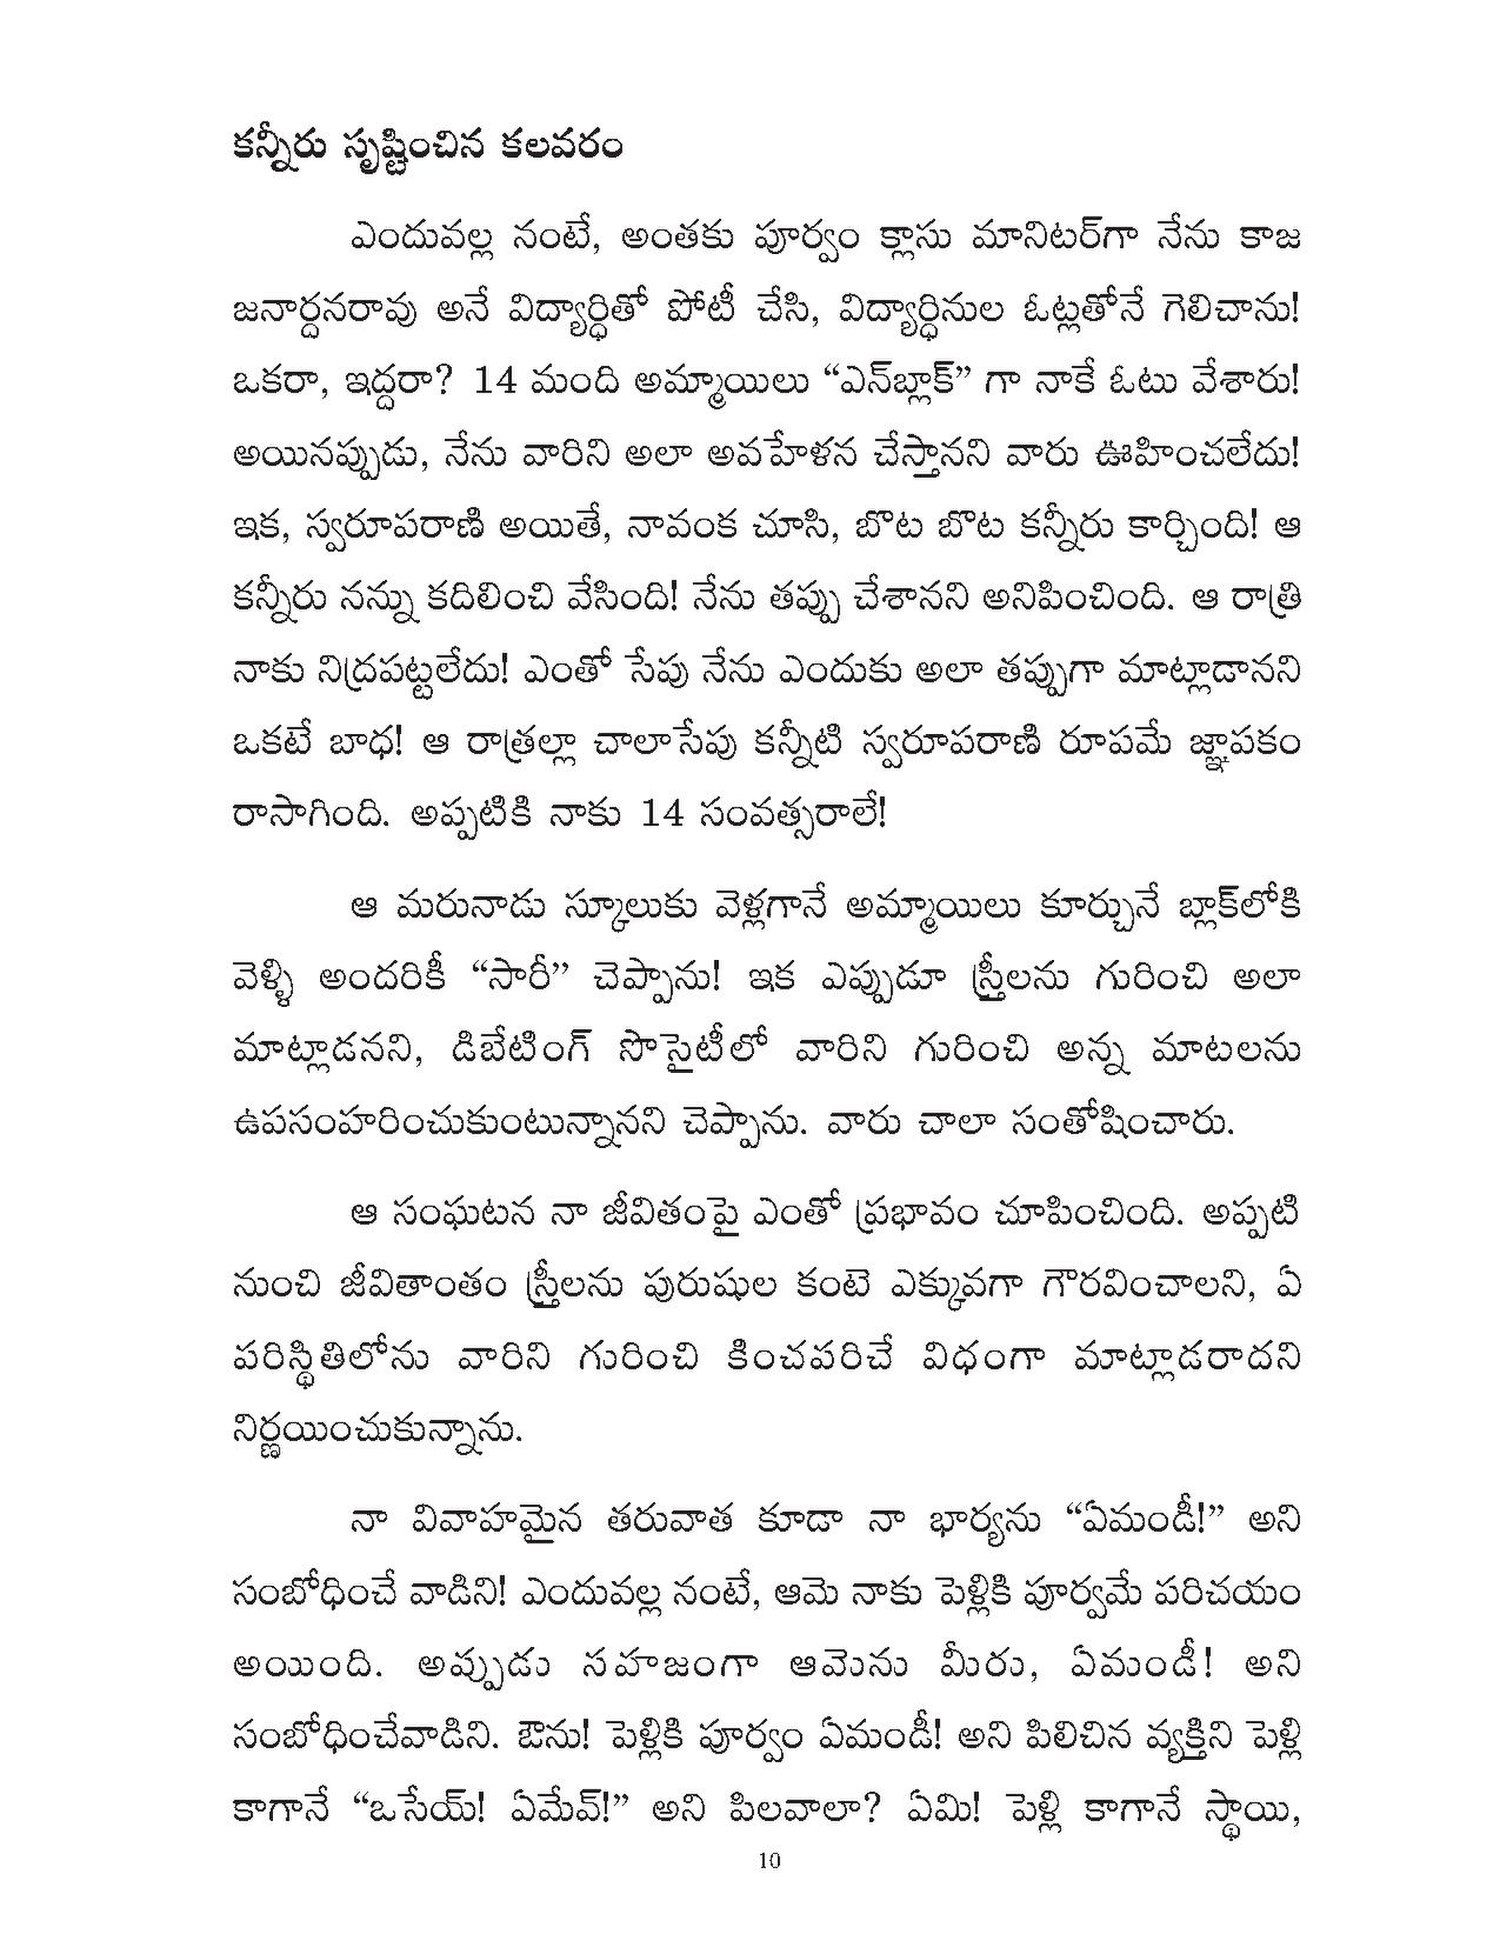కన్నీరు సృష్టించిన కలవరం
ఎందువల్ల నంటే, అంతకు పూర్వం క్లాసు మానిటర్‌గా నేను కాజ
జనార్దనరావు అనే విద్యార్ధితో పోటీ చేసి, విద్యార్ధినుల ఓట్లతోనే గెలిచాను!
ఒకరా, ఇద్దరా? 14 మంది అమ్మాయిలు "ఎన్‌బ్లాక్‌" గా నాకే ఓటు వేశారు!
అయినప్పుడు, నేను వారిని అలా అవహేళన చేస్తానని వారు ఊహించలేదు!
ఇక, స్వరూపరాణి అయితే, నావంక చూసి, బొట బొట కన్నీరు కార్చింది! ఆ
కన్నీరు నన్ను కదిలించి వేసింది! నేను తప్పు చేశానని అనిపించింది. ఆ రాత్రి
నాకు నిద్రపట్టలేదు! ఎంతో సేపు నేను ఎందుకు అలా తప్పుగా మాట్లానని
ఒకటే బాధ! ఆ రాత్రల్లా చాలాసేపు కన్నీటి స్వరూపరాణి రూపమే జ్ఞాపకం
రాసాగింది. అప్పటికి నాకు 14 సంవత్సరాలే!

ఆ మరునాడు స్కూలుకు వెళ్లగానే అమ్మాయిలు కూర్చునే బ్లాక్‌లోకి
వెళ్ళి అందరికీ "సారీ" చెప్పాను! ఇక ఎప్పుడూ స్త్రీలను గురించి అలా
మాట్లాడనని, డిబేటింగ్‌ సొసైటీలో వారిని గురించి అన్న మాటలను
ఉపసంహరించుకుంటున్నానని చెప్పాను. వారు చాలా సంతోషించారు.

ఆ సంఘటన నా జీవితంపై ఎంతో ప్రభావం చూపించింది. అప్పటి
నుంచి జీవితాంతం స్త్రీలను పురుషుల కంటె ఎక్కువగా గౌరవించాలని, ఏ
పరిస్థితిలోను వారిని గురించి కించపరిచే విధంగా మాట్లాడరాదని
నిర్ణయించుకున్నాను.

నా వివాహమైన తరువాత కూడా నా భార్యను "ఏమండీ!" అని
సంబోధించే వాడిని! ఎందువల్ల నంటే, ఆమె నాకు పెళ్లికి పూర్వమే పరిచయం
అయింది. అప్పుడు సహజంగా ఆమెను మీరు, ఏమండీ! అని
సంబోధించేవాడిని. ఔను! పెళ్లికి పూర్వం ఏమండీ! అని పిలిచిన వ్యక్తిని పెళ్లి
కాగానే "ఒసేయ్! ఏమేవ్‌!" అని పిలవాలా? ఏమి! పెళ్లి కాగానే స్థాయి,